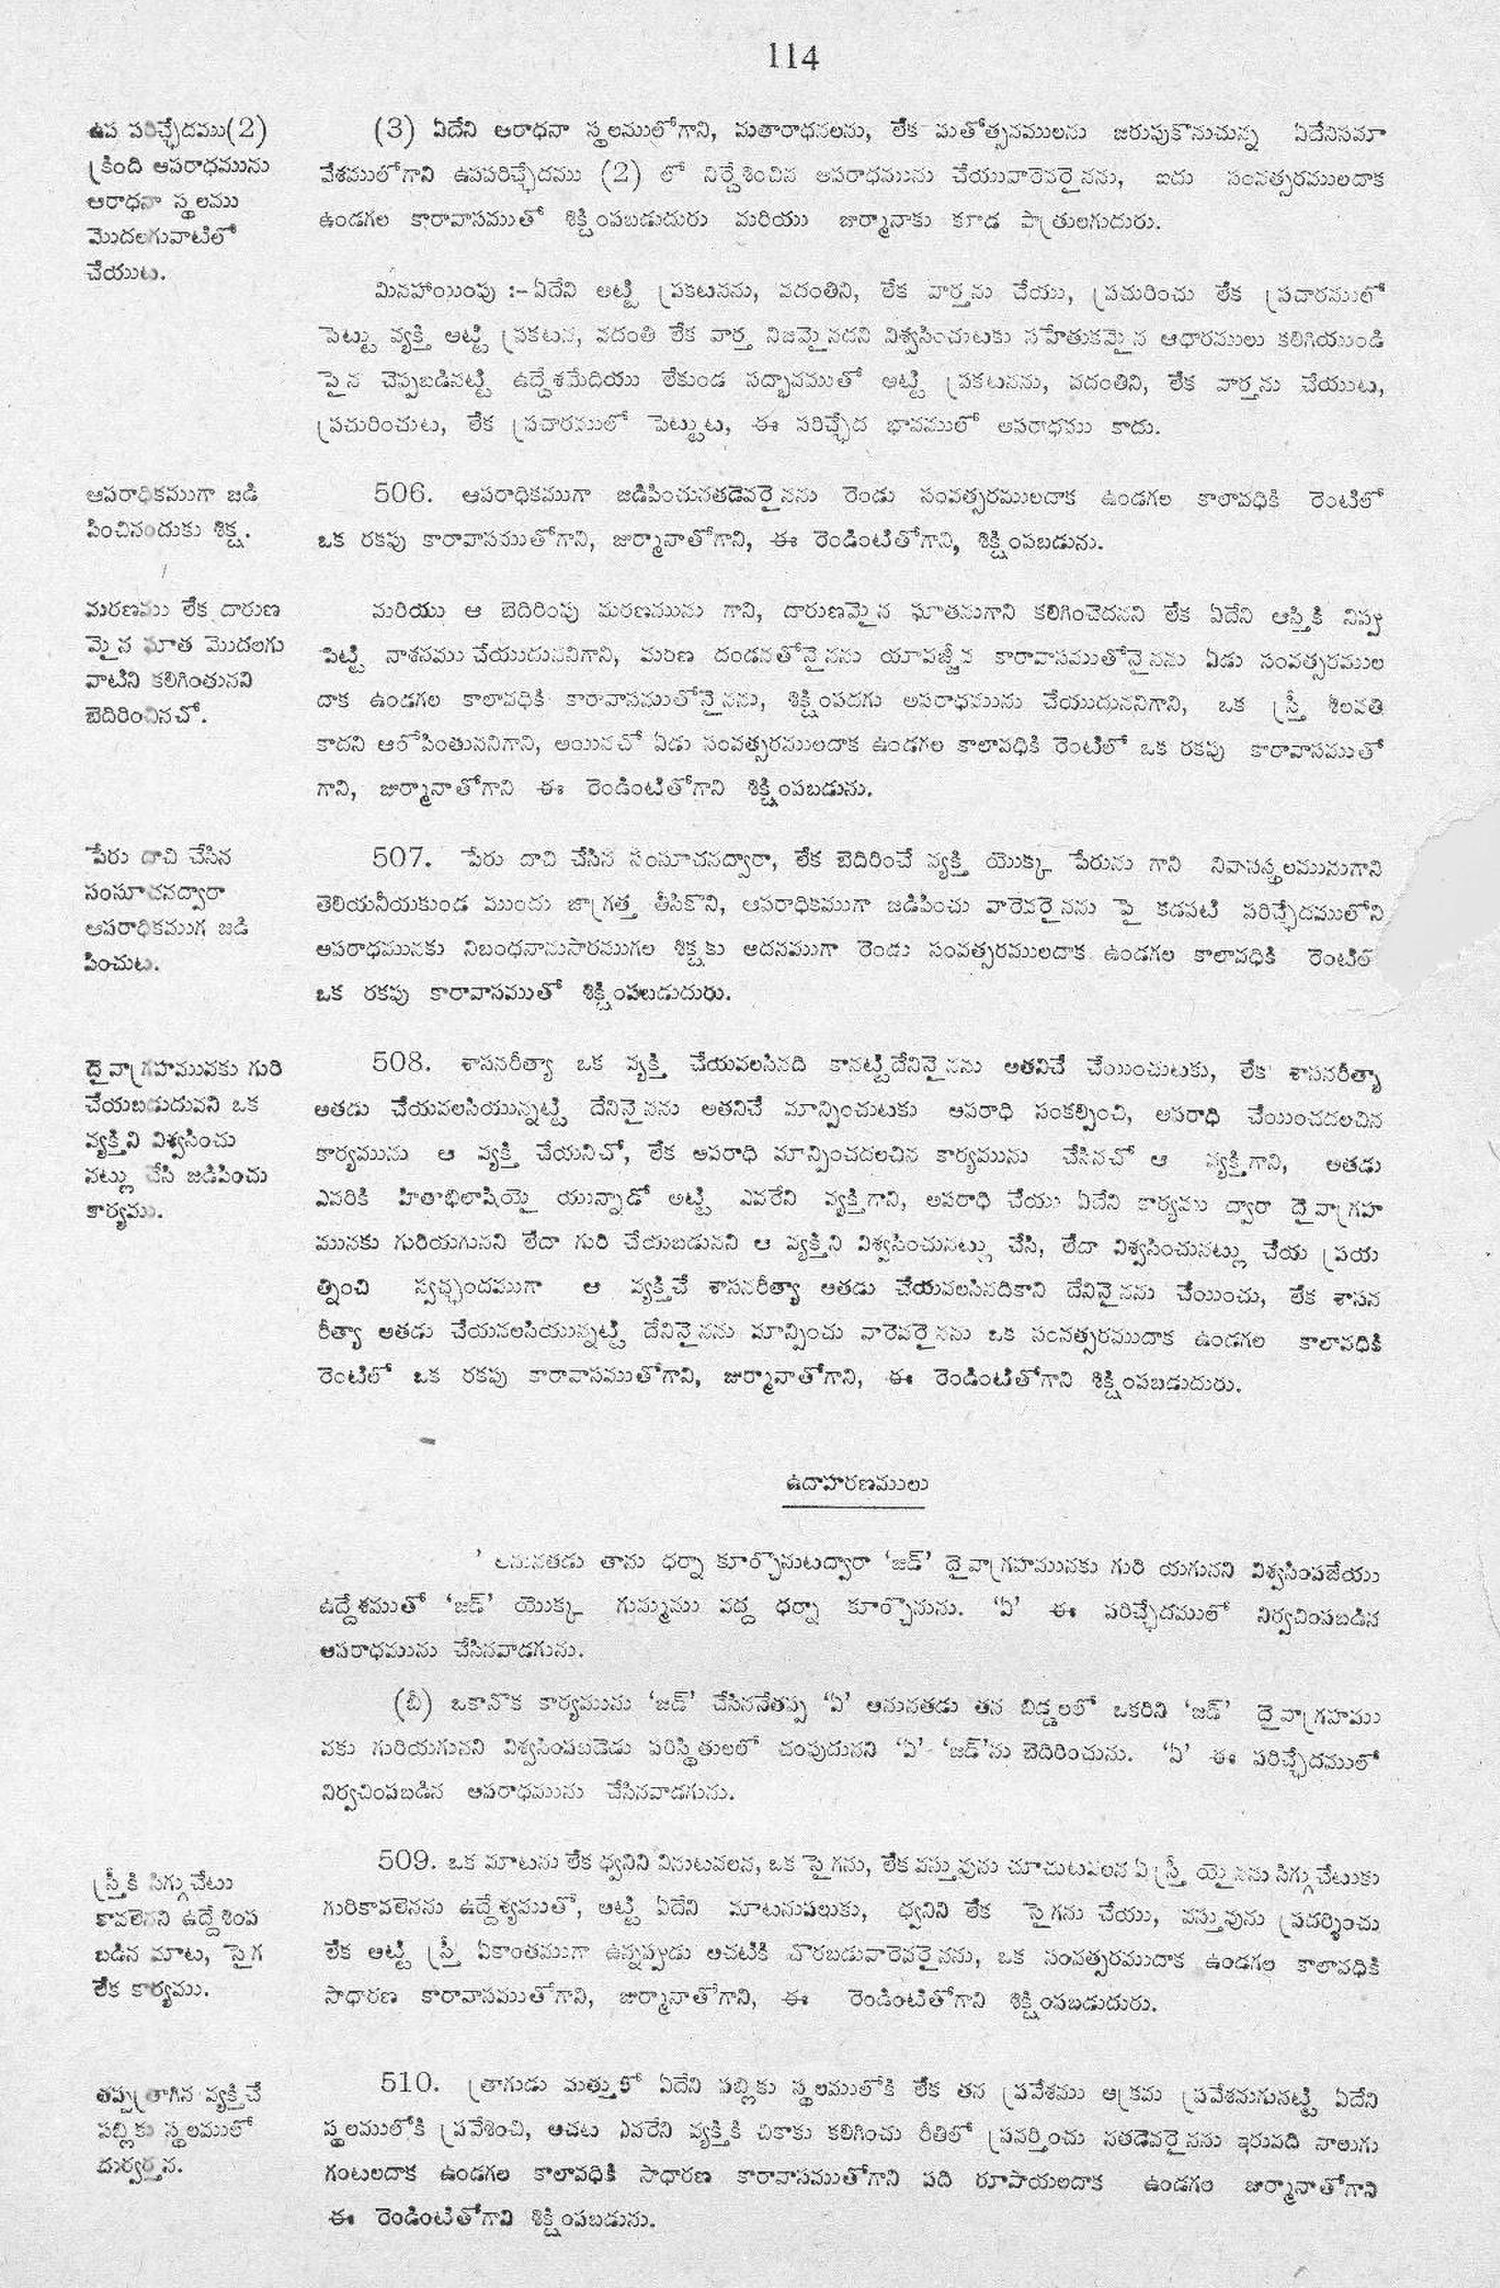ఉప పరిచ్ఛేదము(2) క్రింది అపరాధమును ఆరాధనా స్థలము మొదలగువాటిలో చేయుట.

(3) ఏదేని ఆరాధనా స్థలములో గాని, మతారాధనలను, లేక మతోత్సవములను జరుపుకొనుచున్న ఏదేని సమావేశములో గాని ఉపపరిచ్ఛేదము (2) లో నిర్దేశించిన అపరాధమును చేయువారెవరైనను, ఐదు సంవత్సరములదాక ఉండగల కారావాసముతో శిక్షింపబడుదురు మరియు జుర్మానాకు కూడ పాత్రులగుదురు.

మినహాయింపు :- ఏదేని అట్టి ప్రకటనను, వదంతిని, లేక వార్తను చేయు, ప్రచురించు లేక ప్రచారములో పెట్టు వ్యక్తి అట్టి ప్రకటన, వదంతి లేక వార్త నిజమై నదని విశ్వసించుటకు సహేతుకమైన ఆధారములు కలిగియుండి పైన చెప్పబడినట్టి ఉద్దేశమేదియు లేకుండ సద్భావముతో అట్టి ప్రకటనను, వదంతిని, లేక వార్తను చేయుట, ప్రచురించుట, లేక ప్రచారములో పెట్టుట, ఈ సరిచ్ఛేద భావములో అపరాధము కాదు.

అపరాధికముగా జడిపించినందుకు శిక్ష.

506. అపరాధికముగా జడిపించునతడెవరైనను రెండు సంవత్సరములదాక ఉండగల కాలావధికి రెంటిలో ఒక రకపు కారావాసముతో గాని, జుర్మానాతోగాని, ఈ రెండింటితో గాని, శిక్షింపబడును.

మరణము లేక దారుణమైన ఘాత మొదలగు వాటిని కలిగింతునని బెదిరించినచో

సురియు ఆ బెదిరింపు మరణమును గాని, దారుణమైన ఘాతనుగాని కలిగించెదనని లేక ఏదేని ఆస్తికి నిప్పు పెట్టి నాశనము చేయుదుననిగాని, మరణ దండన తోనై నను యావజ్జీవ కారావాసముతోనై నను ఏడు సంవత్సరముల దాక ఉండగల కాలావధికి కారావాసముతొనైనను, శిక్షింపదగు అపరాధమును చేయుదుననిగాని, ఒక స్త్రీ శీలవతి కాదని ఆరోపింతుననిగాని, అయిన చో ఏడు సంవత్సరములదాక ఉండగల కాలావధికి రెంటిలో ఒక రకపు కారావాసముతోగాని, జుర్మానా తోగాని ఈ రెండింటితోగాని శిక్షింపబడును,

పేరు దాచి చేసిన సంసూచనద్వారా అపరాధికముగ జడిపించుట.

507. పేరు దాచి చేసిన సంసూచనద్వారా, లేక బెదిరించే వ్యక్తి యొక్క పేరును గాని నివాసస్థలమునుగాని తెలియనీయకుండ ముందు జాగ్రత్త తీసికొని, ఆపరాధికముగా జడిపించు వారెవరైనను పై కడపటి పరిచ్ఛేదములోని అపరాధమునకు నిబంధనానుసారముగల శిక్షకు అదనముగా రెండు సంవత్సరములదాక ఉండగల కాలావధికి రెంటిలో ఒక రకపు కారావాసముతో శిక్షింపబడుదురు.

దైవా గ్రహమునకు గురి చేయబడుదునని ఒక వ్యక్తిని విశ్వసించునట్లు చేసి జడిపించు కార్యము.

508. శాససరీత్యా ఒక వ్యక్తి చేయవలసినది కానట్టి దేనినై నను అతనిచే చేయించుటకు, లేక శాసనరీత్యా అతడు చేయవలసియున్నట్టి దేనినై నను అతనిచే మాన్పించుటకు అపరాధి సంకల్పించి, అపరాధి చేయించదలచిన కార్యమును ఆ వ్యక్తి చేయనిచో, లేక అపరాధి మాన్పించదలచిన కార్యమును చేసినచో ఆ వ్యక్తి గాని, అతడు ఎవరికి హితాభిలాషియై యున్నాడో అట్టి ఎవరేని వ్యక్తి గాని, అపరాధి చేయు. ఏదేని కార్యము ద్వారా దైవా గ్రహమునకు గురియగునని లేదా గురి చేయబడునని ఆ వ్యక్తిని విశ్వసించునట్లు చేసి, లేదా విశ్వసించునట్లు చేయ ప్రయత్నించి స్వచ్ఛందముగా ఆ వ్యక్తి చే శాసన రీత్యా ఆతడు చేయవలసినదికాని దేనినై నను చేయించు, లేక శాసనరీత్యా అతడు చేయవలసియున్నట్టి దేనినై నను పూన్పించు వారెవరైనను ఒక సంవత్సరముదాక ఉండగల కాలావధికి రెంటిలో ఒక రకపు కారావాసముతోగాని, జుర్మానాతోగాని, ఈ రెండింటితోగాని శిక్షింపబడుదురు.

'ఏ' అను నతడు తాను ధర్నా కూర్చొనుట ద్వారా 'జడ్' దైవా గ్రహమునకు గురి యగునని విశ్వసింపజేయు ఉద్దేశముతో 'జడ్' యొక్క గుమ్మము వద్ద ధర్నా కూర్చొనుసు. 'ఏ' ఈ పరిచ్ఛేదములో నిర్వచింపబడిన అపరాధమును చేసినవాడగును.

(బీ) ఒకానొక కార్యమును 'జడ్' చేసిన నేతప్ప 'ఏ' అనునతడు తన బిడ్డలలో ఒకరిని 'జడ్' దైవా గ్రహమునకు గురియగునని విశ్వసింపబడెడు పరిస్థితులలో చంపుదునని 'ఏ' 'జడ్'ను బెదిరించును.'ఏ' ఈ పరిచ్ఛేదములో నిర్వచింపబడిన ఆపరాధమును చేసినవాడగును.

స్త్రీ కి సిగ్గు చేటు కావలెనని ఉద్దేశింపబడిన మాట, సైగ లేక కార్యము.

509. ఒక మాటను లేక ధ్వనిని వినుటవలన, ఒక సైగను, లేక వస్తువును చూచుటవలన ఏ స్త్రీ యైనను సిగ్గు చేటుకు గురికావలెనను ఉద్దేశ్యముతో, అట్టి ఏదేని మాటనుపలుకు, ధ్వనిని లేక సైగను చేయు, వస్తువును ప్రదర్శించు లేక అట్టి స్త్రీ ఏకాంతముగా ఉన్నప్పుడు అచటికి చొరబడు వారెవరైనను, ఒక సంవత్సరము దాక ఉండగల కాలావధికి సాధారణ కారావాసముతో గాని, జుర్మానాతో గాని, ఈ
రెండింటితోగాని శిక్షింపబడుదురు,

తప్పు త్రాగిన వ్యక్తిచే పబ్లికు స్థలములో దుర్వర్తన.

510. త్రాగుడు మత్తు కో ఏదేని పబ్లికు స్థలములోకి లేక తన ప్రవేశము ఆక్రమ ప్రవేశమగునట్టి ఏదేని స్థలములోకి ప్రవేశించి, ఆచట ఎవరేని వ్యక్తికి చికాకు కలిగించు రీతిలో ప్రవర్తించు నతడెవరై నను ఇరువది నాలుగు గంటలదాక ఉండగల కాలావధికి సాధారణ కారావాసముతోగాని పది రూపాయలదాక ఉండగల జూర్మానాతోగాని ఈ రెండింటితోగాని శిక్షింపబడును.